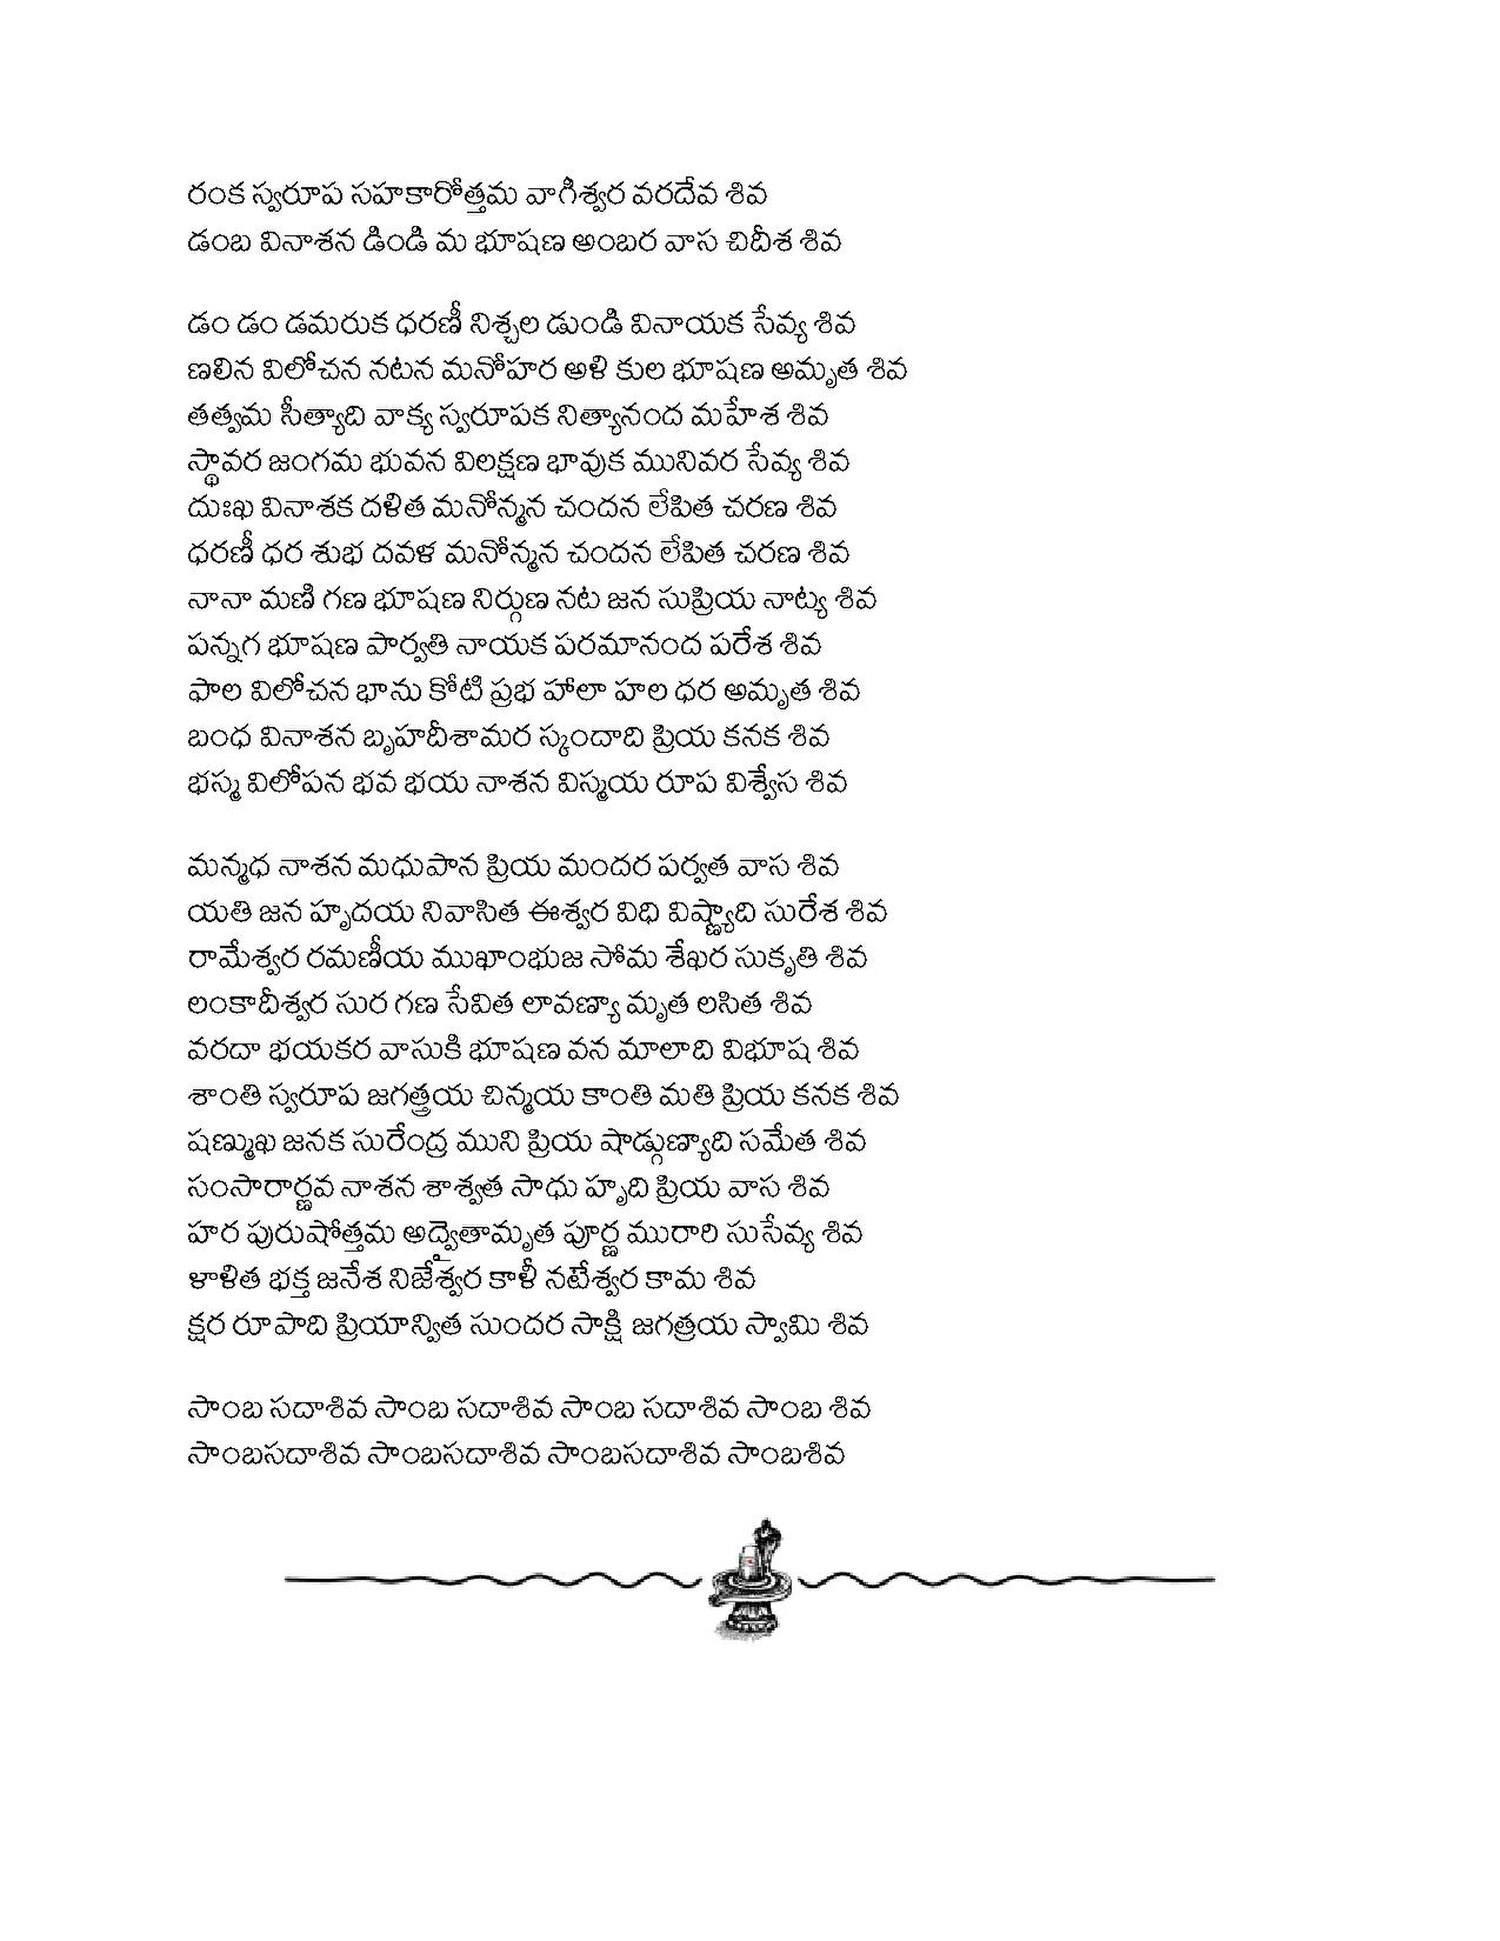రంక స్వరూప సహకారోత్తమ వాగీశ్వర వరదేవ శివ
డంబ వినాశన డిండిమ భూషణ అంబరవాస చిదీశశివ

డం డం డమరుక ధరణీ నిశ్చల డుంఢి వినాయక సేవ్య శివ
ణలిన విలోచన నటన మనోహర అళి కుల భూషణ అమృత శివ
తత్వమ సీత్యాది వాక్య స్వరూపక నిత్యానంద మహేశశివ
స్థావర జంగమ భువన విలక్షణ భావుక మునివర సేవ్య శివ
దుఃఖ వినాశక దళిత మనోన్మన చందన లేపిత చరణ శివ
ధరణీ ధర శుభ ధవళ మనోన్మన చందన లేపిత చరణ శివ
నానా మణి గణ భూషణ నిర్గుణ నట జన సుప్రియ నాట్య శివ
పన్నగ భూషణ పార్వతి నాయక పరమానంద పరేశశివ
ఫాల విలోచన భాను కోటి ప్రభ హాలాహల ధర అమృత శివ
బంధ వినాశన బృహదీశామర స్కందాది ప్రియ కనక శివ
భస్మ విలోపన భవ భయ నాశన విస్మయ రూప విశ్వేశ శివ

మన్మధ నాశన మధుపాన ప్రియ మందర పర్వత వాస శివ
యతి జన హృదయ నివాసిత ఈశ్వర విధి విష్ణ్యాది సురేశ శివ
రామేశ్వర రమణీయ ముఖాంభుజ సోమ శేఖర సుకృతి శివ
లంకాధీశ్వర సుర గణ సేవిత లావణ్యా మృత లసిత శివ
వరదా భయకర వాసుకి భూషణ వన మాలాది విభూష శివ
శాంతి స్వరూప జగత్త్రయ చిన్మయ కాంతి మతి ప్రియ కనక శివ
షణ్ముఖ జనక సురేంద్ర మునిప్రియ షాడ్గుణ్యాది సమేత శివ
సంసారార్ణవ నాశన శాశ్వత సాధు హృది ప్రియ వాస శివ
హర పురుషోత్తమ అద్వైతామృత పూర్ణ మురారి సుసేవ్య శివ
ళాళిత భక్త జనేశ నిజేశ్వర కాళీ నటేశ్వర కామ శివ
క్షర రూపాది ప్రియాన్విత సుందర సాక్షి జగత్త్రయ స్వామి శివ

సాంబసదాశివ సాంబసదాశివ సాంబసదాశివ సాంబశివ
సాంబసదాశివ సాంబసదాశివ సాంబసదాశివ సాంబశివ